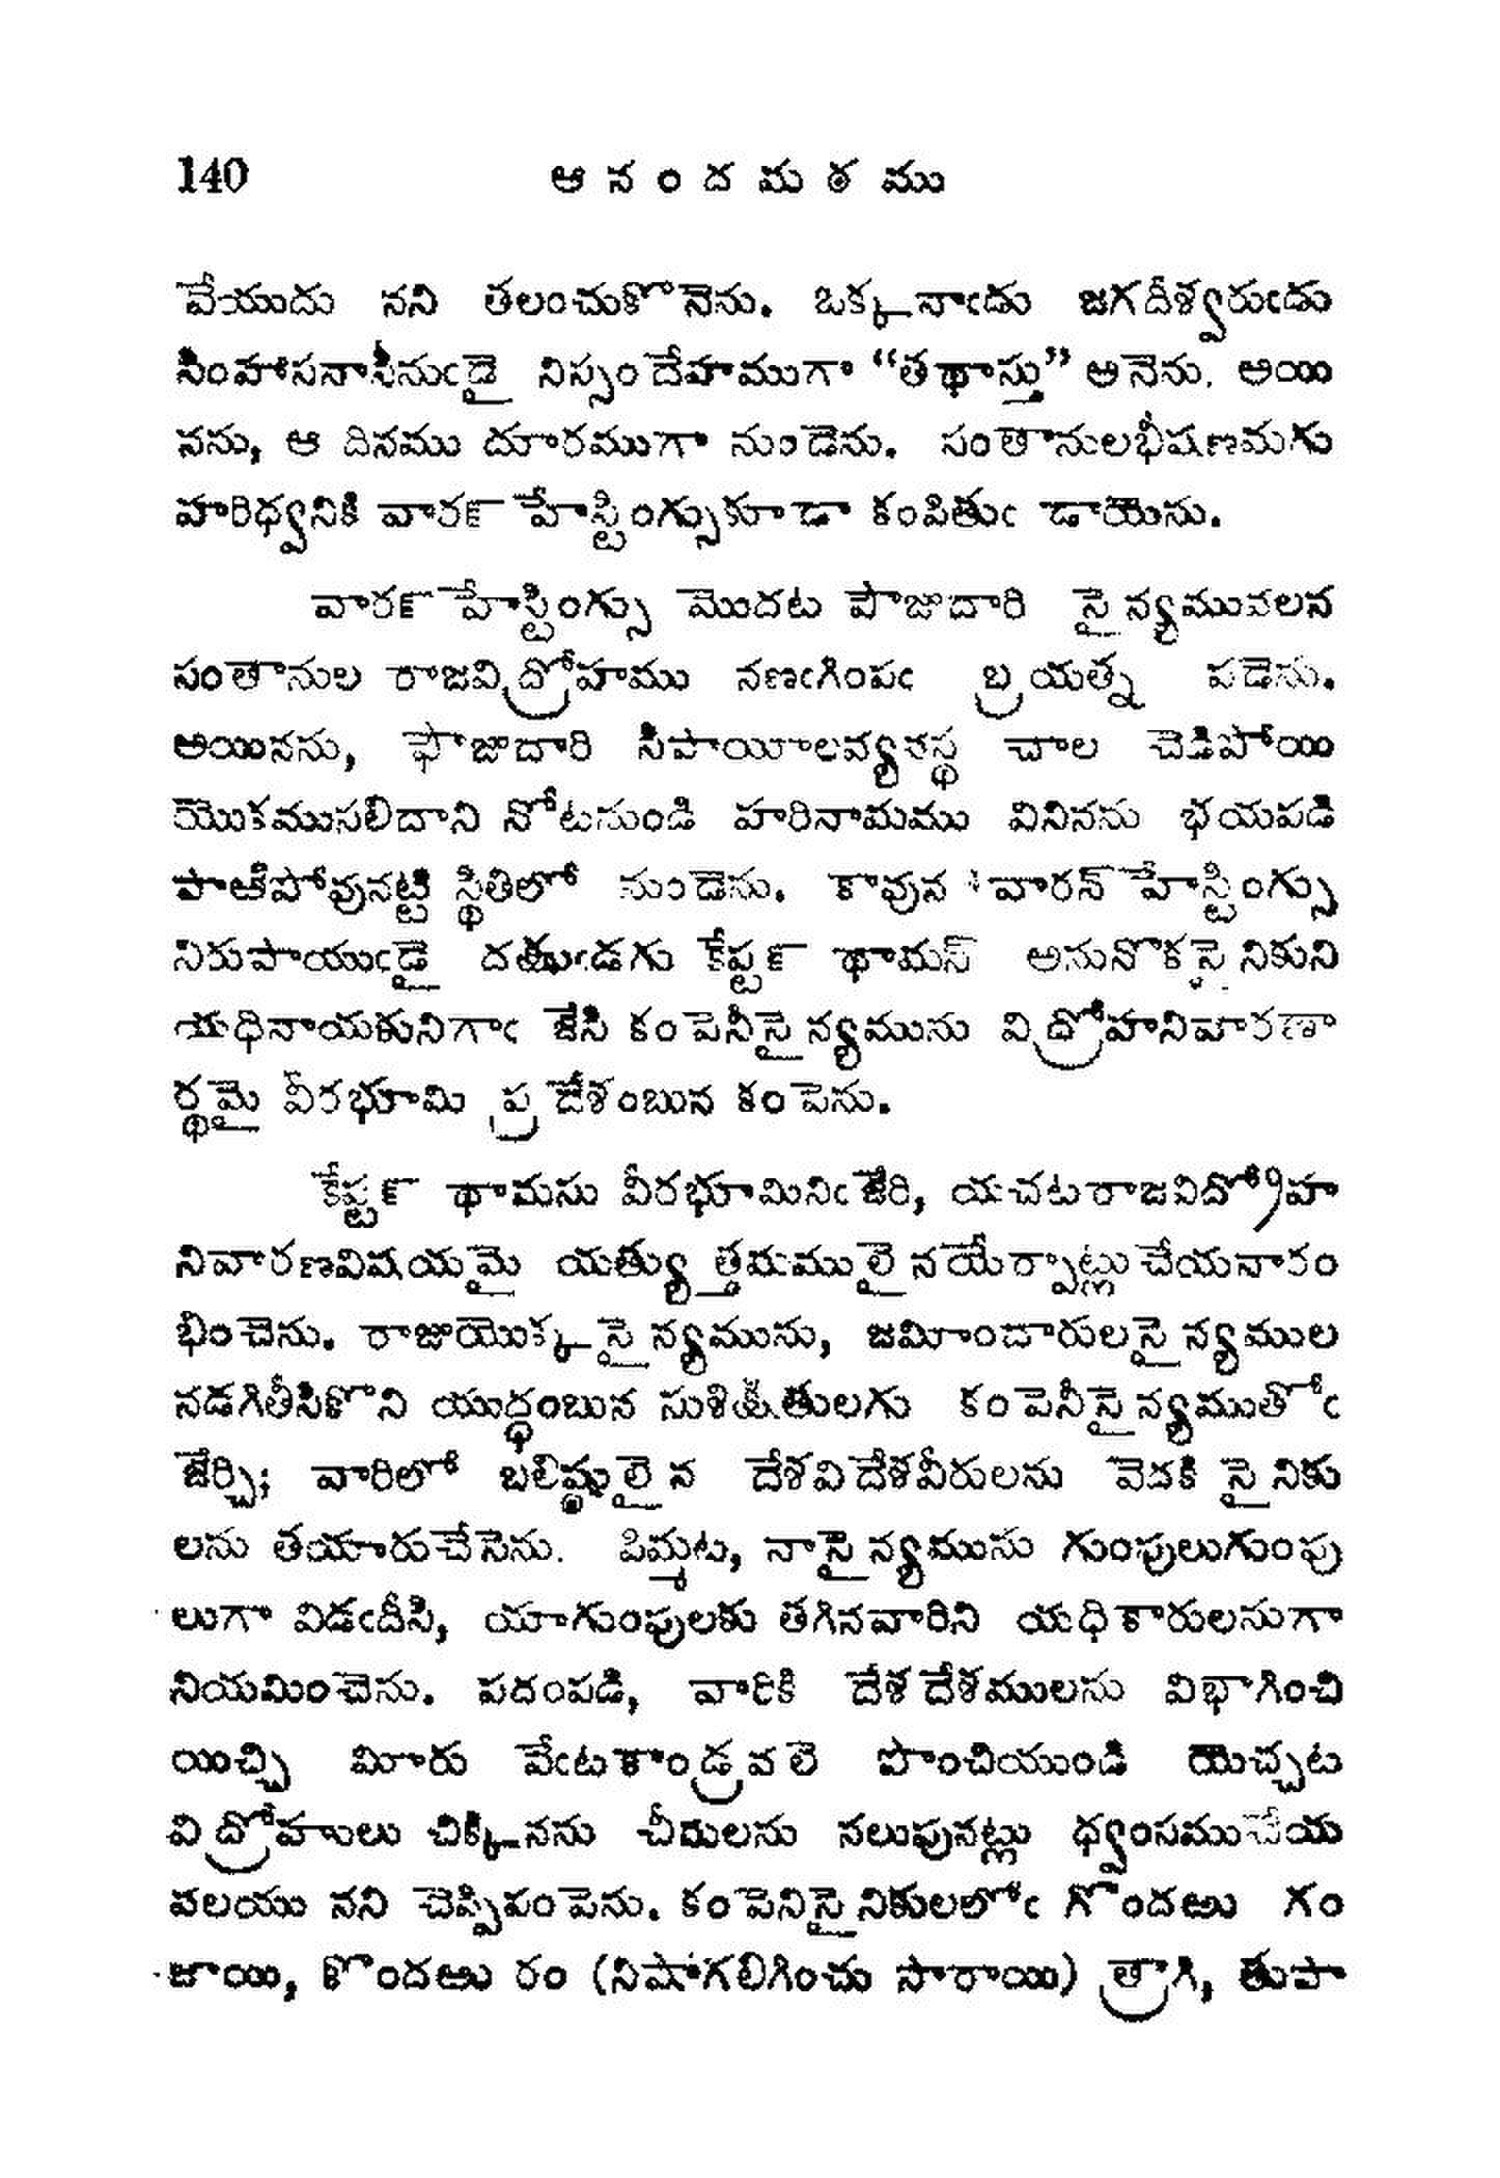వేయుదు నని తలంచుకొనెను. ఒక్కనాఁడు జగదీశ్వరుఁడు సింహాసనాసీనుఁడై నిస్సందేహముగా “తథాస్తు” అనెను. అయి
నను, ఆ దినము దూరముగా నుండెను. సంతానులభీషణమగు హరిధ్వనికి వార౯ హేస్టింగ్సుకూడా కంపితుఁ డాయెను.

వార౯ హేస్టింగ్సు మొదట పౌజుదారి సైన్యమువలన సంతానుల రాజవిద్రోహము నణఁగింపఁ బ్రయత్న పడెను, అయినను, ఫొజుదారి సిపాయీలవ్యవస్థ చాల చెడిపోయి యొకముసలిదాని నోటనుండి హరినామము వినినను భయపడి పాఱిపోవునట్టి స్థితిలో నుండెను. కావున వారన్ హేస్టింగ్సు నిరుపాయుఁడై దక్షుఁడగు కేఫ్ట౯ థామస్ అనునొక సైనికుని యధినాయకునిగాఁ జేసి కంపెనీసైన్యమును విద్రోహనివారణార్థమై వీరభూమి ప్రదేశంబున కంపెను.

కేష్ట౯ థామసు వీరభూమినిఁ జేరి, యచటరాజవిద్రోహ నివారణ విషయమై యత్యుత్తమములైన యేర్పాట్లు చేయ నారంభించెను. రాజు యొక్క సైన్యమును, జమీందారుల సైన్యముల నడగితీసికొని యుద్ధంబున సుశిక్షితులగు కంపెనీ సైన్యముతోఁ జేర్చి, వారిలో బలిష్ఠులైన దేశవిదేశ వీరులను వెదకి సైనికులను తయారుచేసెను. పిమ్మట, నాసైన్యమును గుంపులు గుంపులుగా విడఁదీసి, యాగుంపులకు తగినవారిని యధికారులనుగానియమించెను. పదంపడి, వారికి దేశ దేశములను విభాగించియిచ్చి మీరు వేఁట కాండ్రవలె పొంచియుండి యెచ్చట విద్రోహులు చిక్కినను చీమలను నలుపునట్లు ధ్వంసము చేయవలయు నని చెప్పిపంపెను. కంపెనిసైనికులలోఁ గొందఱు గంజాయి, కొందఱు రం (నిషాగలిగించు సారాయి) త్రాగి, తుపా